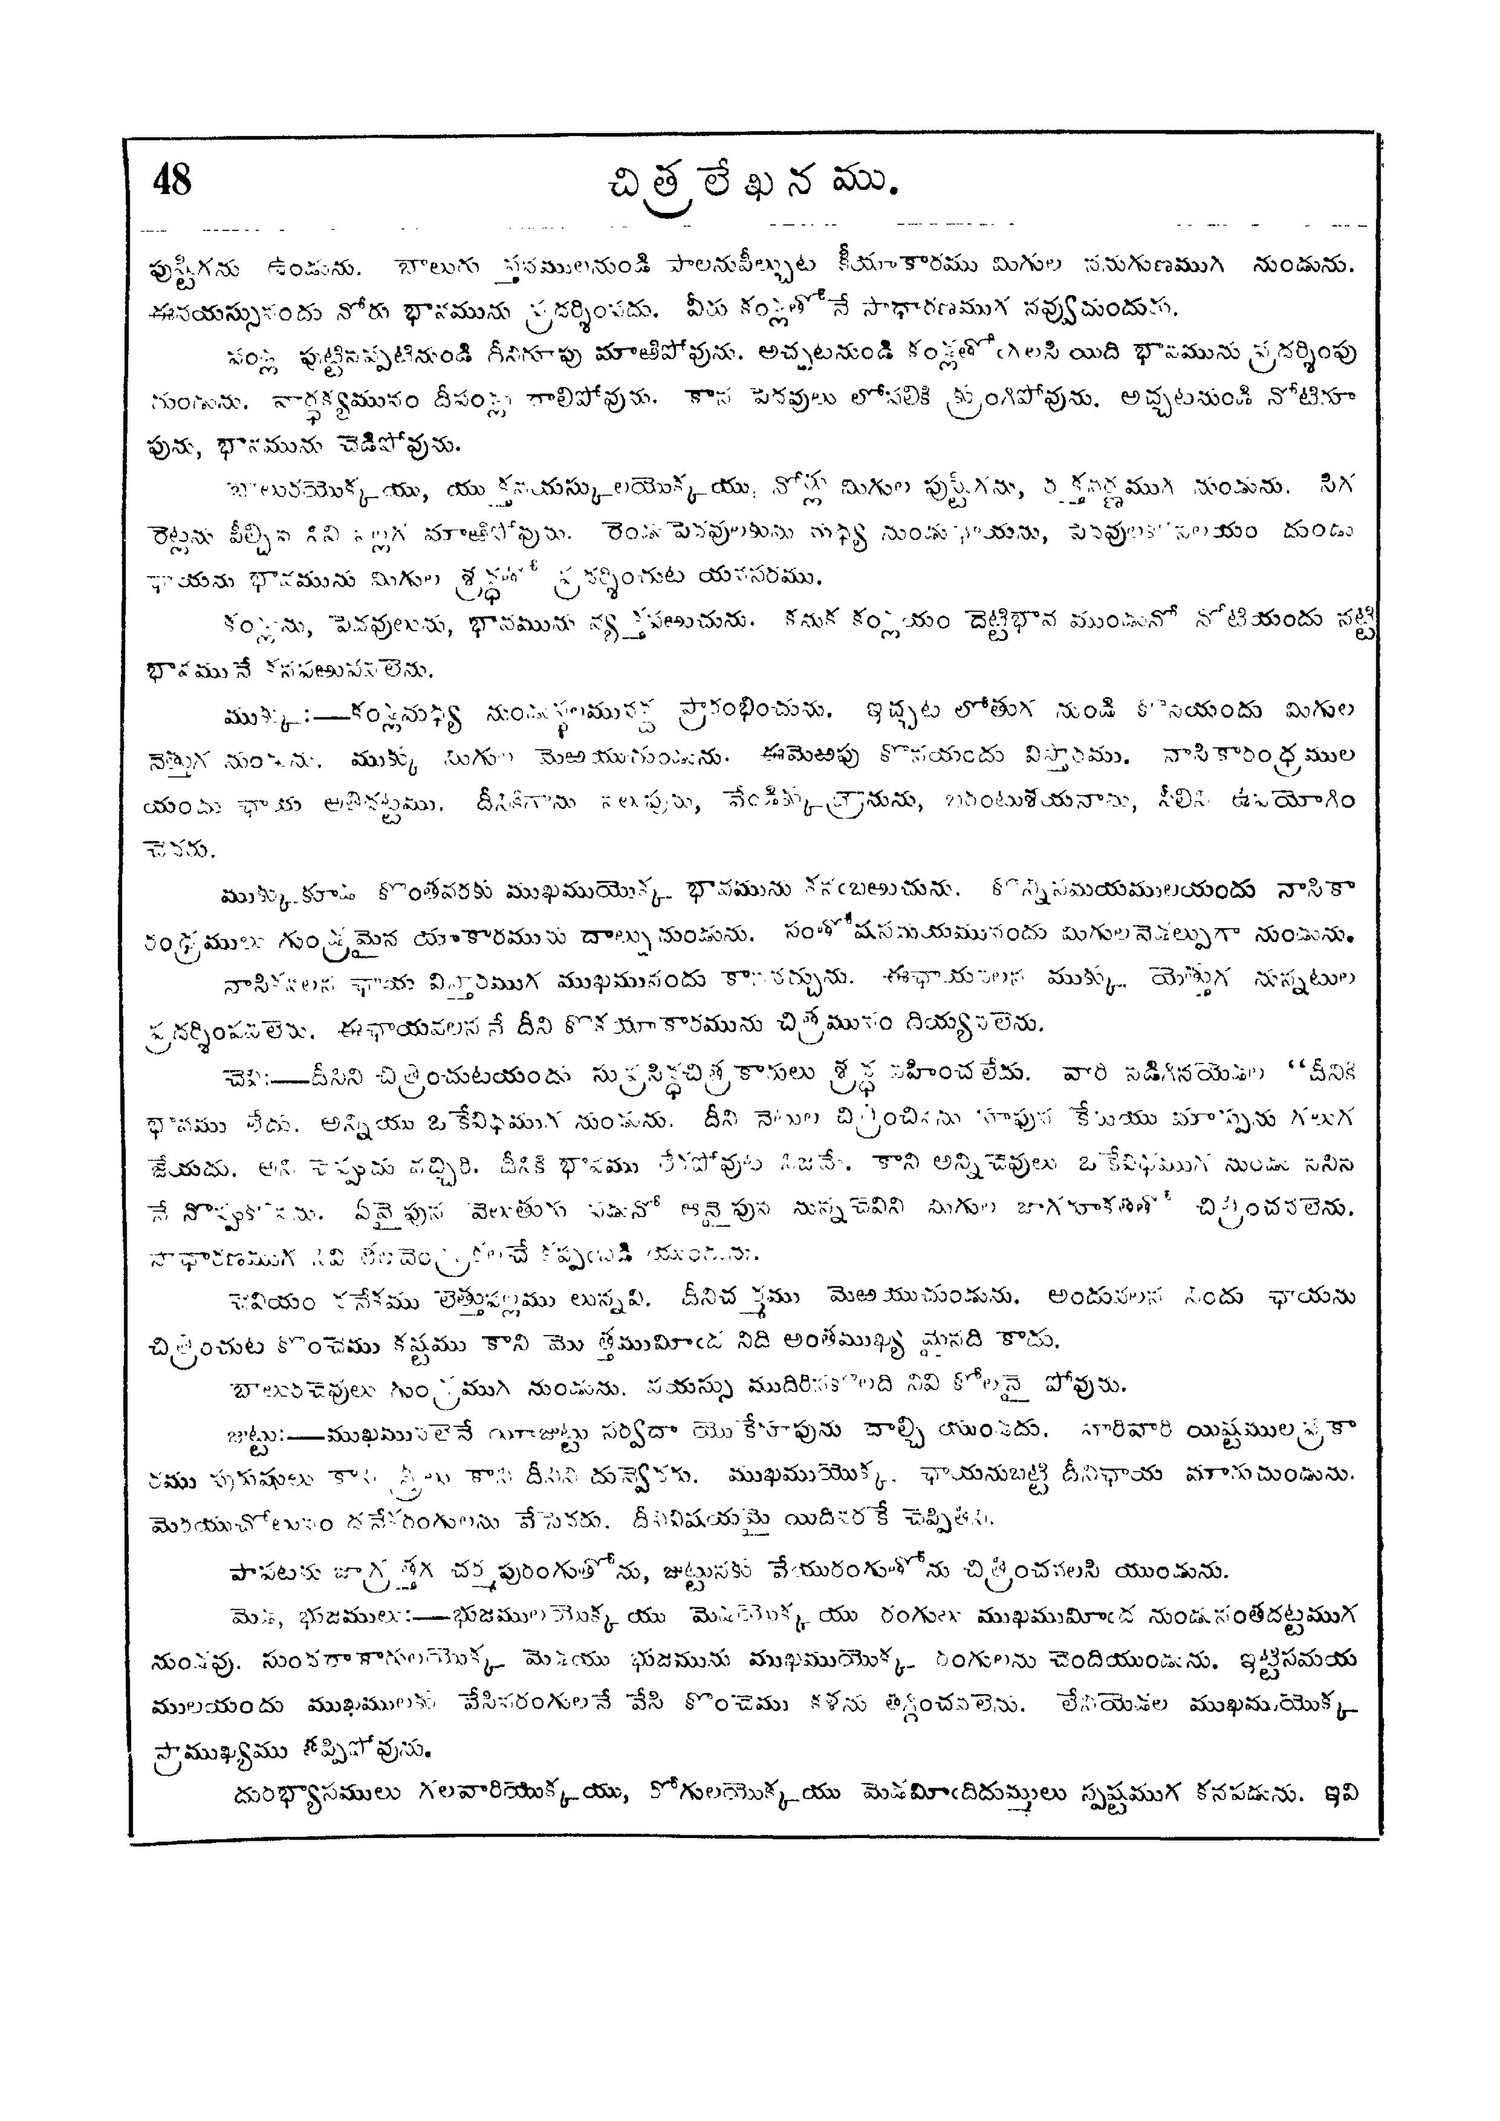పుష్టిగను ఉండును. బాలురు స్తనములనుండి పాలనుపీల్చుటకు కీయాకారము మిగుల ననుగుణముగ నుండును. ఈవయస్సునందు నోరు భావమును ప్రదర్శింపదు. వీరు కండ్లతోనే సాధారణముగ నవ్వుచుందురు.

పండ్లు పుట్టినప్పటినుండి దీనిరూపు మాఱిపోవును. అచ్చటనుండి కండ్లతో గలసి యిది భావమును ప్రదర్శింపు చుండును. వార్ధక్యమునం దీపండ్లు రాలిపోవును. కాన పెదవులు లోపలికి క్రుంగిపోవును. అచ్చటనుండి నోటిరూపును, భావమును చెడిపోవును.

బాలురయొక్కయు, యుక్తవయస్కులయొక్కయు, నోళ్లు మిగుల పుష్టిగను, రక్తవర్ణముగ నుండును. సిగరెట్లను పీల్చిన నివి నల్లగ మాఱిపోవును. రెండు పెదవులకును మధ్య నుండుఛాయను, పెదవులకొనలయం దుండుఛాయను భావమును మిగుల శ్రద్ధతో ప్రదర్శించుట యవసరము.

కండ్లును, పెదవులును, భావమును వ్యక్తపఱుచును. కనుక కండ్లయం దెట్టిభావ ముండునో నోటియందు నట్టిభావమునే కనపఱుపవలెను.

ముక్కు:- కండ్లమధ్య నుండుస్థలమువద్ద ప్రారంభించును. ఇచ్చట లోతుగ నుండి కొనయందు మిగుల నెత్తుగ నుండును.ముక్కు మిగుల మెఱయుచుండును. ఈమెఱపు కొనయందు విస్తారము. నాసికారంధ్రముల యందు ఛాయ అతిదట్టముగ. దీనికిగాను నలుపును, వేండిక్కుబ్రౌనును, బరంటుశయనాను, నీలిని ఉపయోగించెదరు.

ముక్కుకూడ కొంతవరకు ముఖముయొక్క భావమును కనబఱుచును. కొన్నిసమయములయందు నాసికారంధ్రములు గుండ్రమైన యాకారమును దాల్చుచుండును. సంతోషసమయమునందు మిగులవెడల్పుగా నుండును. 

నాసికవలన ఛాయ విస్తారముగ ముఖమునందు కానవచ్చును. ఈఛాయవలన ముక్కు యెత్తుగ నున్నటుల ప్రదర్శింపవలెను. ఈఛాయవలననే దీని కొకయాకారమును చిత్రమునం దియ్యవలెను.

చెవి:- దీనిని చిత్రించుటయందు సుప్రసిద్ధచిత్రకారులు శ్రద్ధవహించలేదు. వారి నడిగినయెడల "దీనికి భావము లేదు. అన్నియు ఒకేవిధముగ నుండును. దీని నెటుల చిత్రించినను రూపున కేమియు మార్పును గలుగజేయదు, అని చెప్పుచు వచ్చిరి. దీనికిభావము లేకపోవుట నిజమే. కాని అన్నిచెవులు ఒకేవిధముగ నుండు ననిననే నొప్పుకొనను. ఏవైపున వెలుతురు పడునో ఆవైపున నున్నచెవిని మిగుల జాగరూకతతో చిత్రించవలెను. సాధారణముగ నివి తలవెండ్రుకలచే కప్పబడి యుండును.

చెవియం ననేకము లెత్తుపల్లము లున్నవి. దీనిచర్మము మెఱయుచుండును. అందువలన నిందు ఛాయను చిత్రించుట కొంచెము కష్టము కాని మొత్తముమీద నిది అంతముఖ్యమైనది కాదు.

బాలురచెవులు గుండ్రముగ నుండును. వయస్సు ముదిరినకొలది నివి కోలనై పోవును.

జుట్టు:- ముఖమువలెనే యీజుట్టి సర్వదా యెకేరూపును దాల్చి యుండదు. వారివారి యిష్టములప్రకారము పురుషులు కాని స్త్రీలుకాని దీనిని దువ్వెదరు. ముఖముయొక్క ఛాయనుబట్టి దీనిఛాయ మారుచుండును. మెరయుచోటునం దనేకరంగులను వేసెదరు. దీనివిషయమై యిదివరకే చెప్పితిని.

పాపటను జాగ్రత్తగ చర్మపురంగుతోను, జుట్టునకు వేయురంగుతోను చిత్రించవలసి యుండును.

మెడ, భుజములు:- భుజములయొక్కయు మెడయొక్కయు రంగులు ముఖముమీద నుండునంతదట్టముగ నుండవు. సుందరాకారులయొక్క మెడయు భుజమును ముఖముయొక్క రంగులను చెందియుండును. ఇట్టిసమయములయందు ముఖములకు వేసినరంగులనే వేసి కొంచెము కళను తగ్గించవలెను. లేనియెడల ముఖముయొక్క ప్రాముఖ్యము తప్పిపోవును.

దురభ్యాసములు గలవారియొక్కయు, రోగులయొక్కయు మెడమీది దుమ్ములు స్పష్టముగ కనపడును. ఇవి